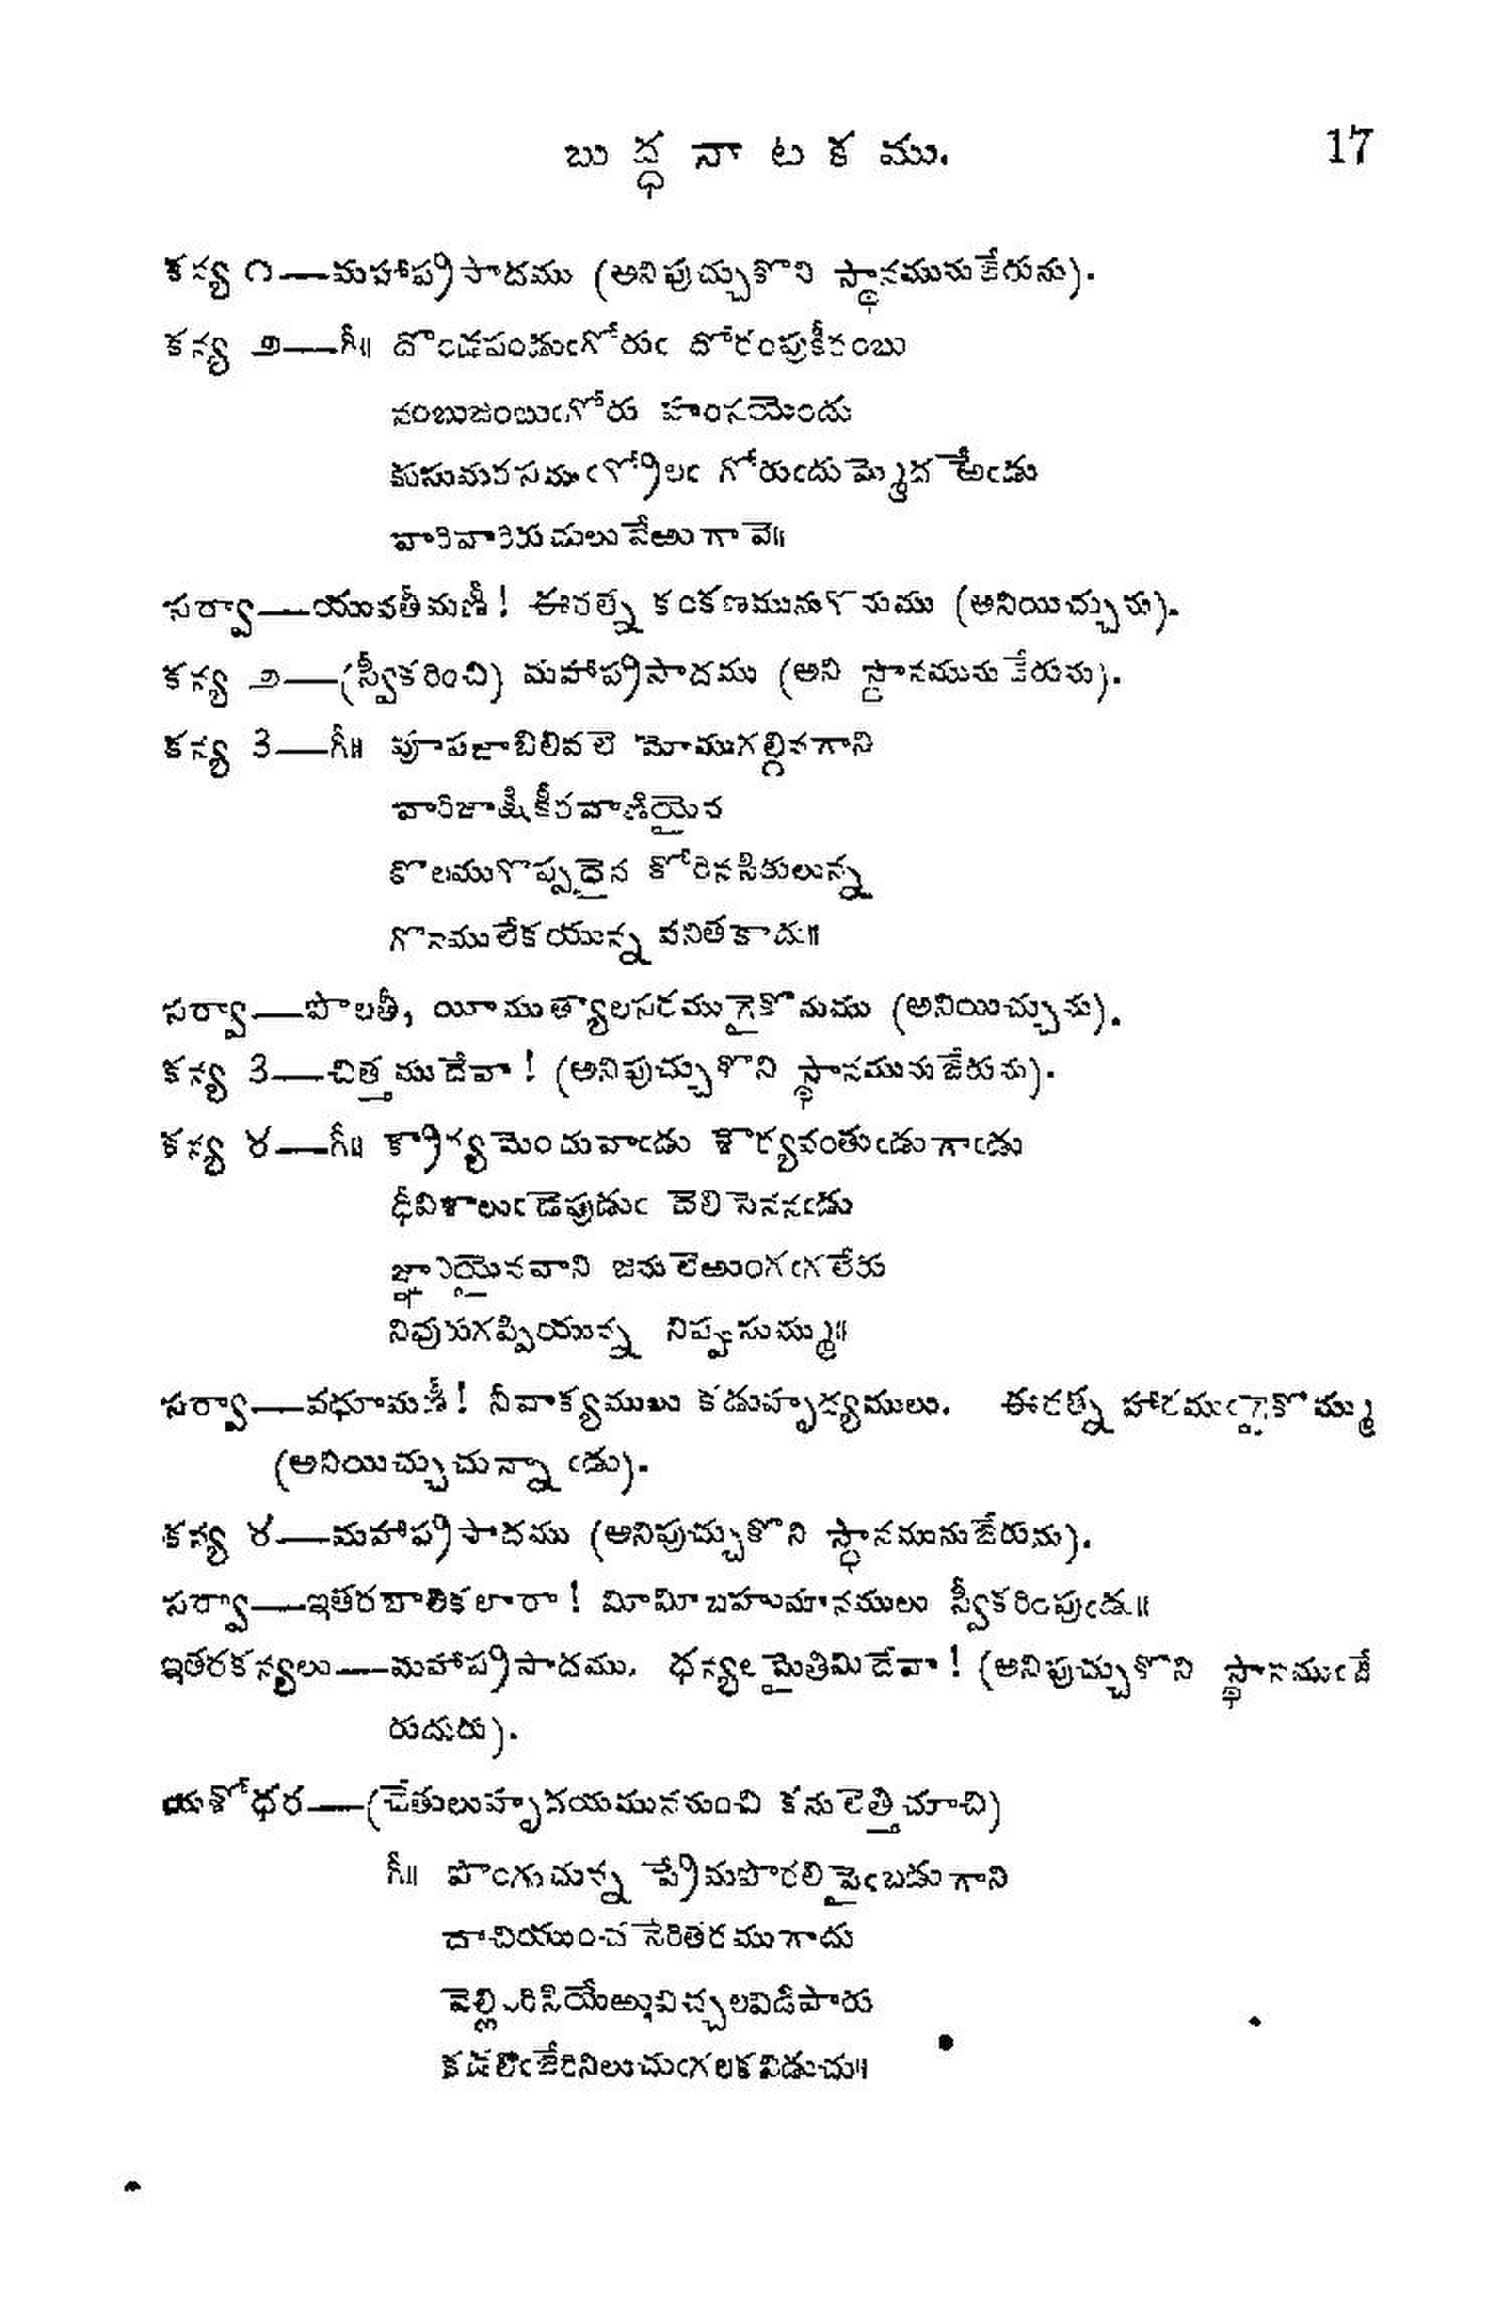కన్య ౧ - మహాప్రపాదము (అని పుచ్చుకొని స్థానమును కేగును).

కన్య ౨ - గీ॥ నీల దొండపండుఁగోరుఁ ధోరంపుకీరంబు
నంబుజంబుఁగోరు హంసయెందు
కుసుమరసముఁగ్రోలఁ గోరుఁదుమ్మెదఱోఁడు
వారివారిరుచులు వేఱుగావె॥ 

సర్వా — యువతీమణీ! ఈరత్న కంకణమునుగొనుము (ఆనియిచ్చును).

కన్య ౨ — (స్వీకరించి) మహాప్రసాదము (అని స్థానమును జేరును).

కన్య 3 - గీ॥ పూపజాబిలివలె మోముగల్గినగాని
వారిజాక్షికీరవాణియైన
కొలముగొప్పదైన కోరినసిరులున్న
గొనములేకయున్న వనితకాదు। 

సర్వా — పొలతీ, యీముత్యాలసరముగైకొనుము (అనియిచ్చును).

కన్య 3 — చిత్తముదేవా! (అనిపుచ్చుకొని స్థానమునుజేరును).

కన్య ౪ — గీ॥ కార్యమెంచువాఁడు శౌర్యవంతుఁడుగాఁడు
దీవిశాలుఁ డెపుడుఁ దెలిసెననఁడు
జ్ఞానియైనవాని జనులెఱుంగఁగ లేకు
నివురుగప్పియున్న నిప్పునుమ్ముః 

సర్వా - వధూమణీ! నీవాక్యములు కడుహృద్యములు. ఈరత్న హారముఁగైకొమ్ము
(అనియిచ్చుచున్నాడు).

కన్య ౪ — మహాప్రసాదము (అనిపుచ్చుకొని స్థానమునుజేరును).

సర్వా — ఇతరబాలికలారా! మీమీ బహుమానములు స్వీకరింపుఁడు॥

ఇతరకన్యలు - మహాప్రదము. ధన్యలమైతిమిదేవా! (అనిపుచ్చుకొని స్థానముఁదేరుదురు).

యశోధర - (చేతులుహృదయముననుంచి కనులెత్తిచూచి)

సీ॥ పొంగుచున్న ప్రేమపొరలిపైఁబడుగాని
దాచియుంచ నేరితరముగాదు
వెల్లిఒరిసియేఱువిచ్చలవిడిపారు
కడలిఁజేరినిలుచుఁగలకవిడుచు॥